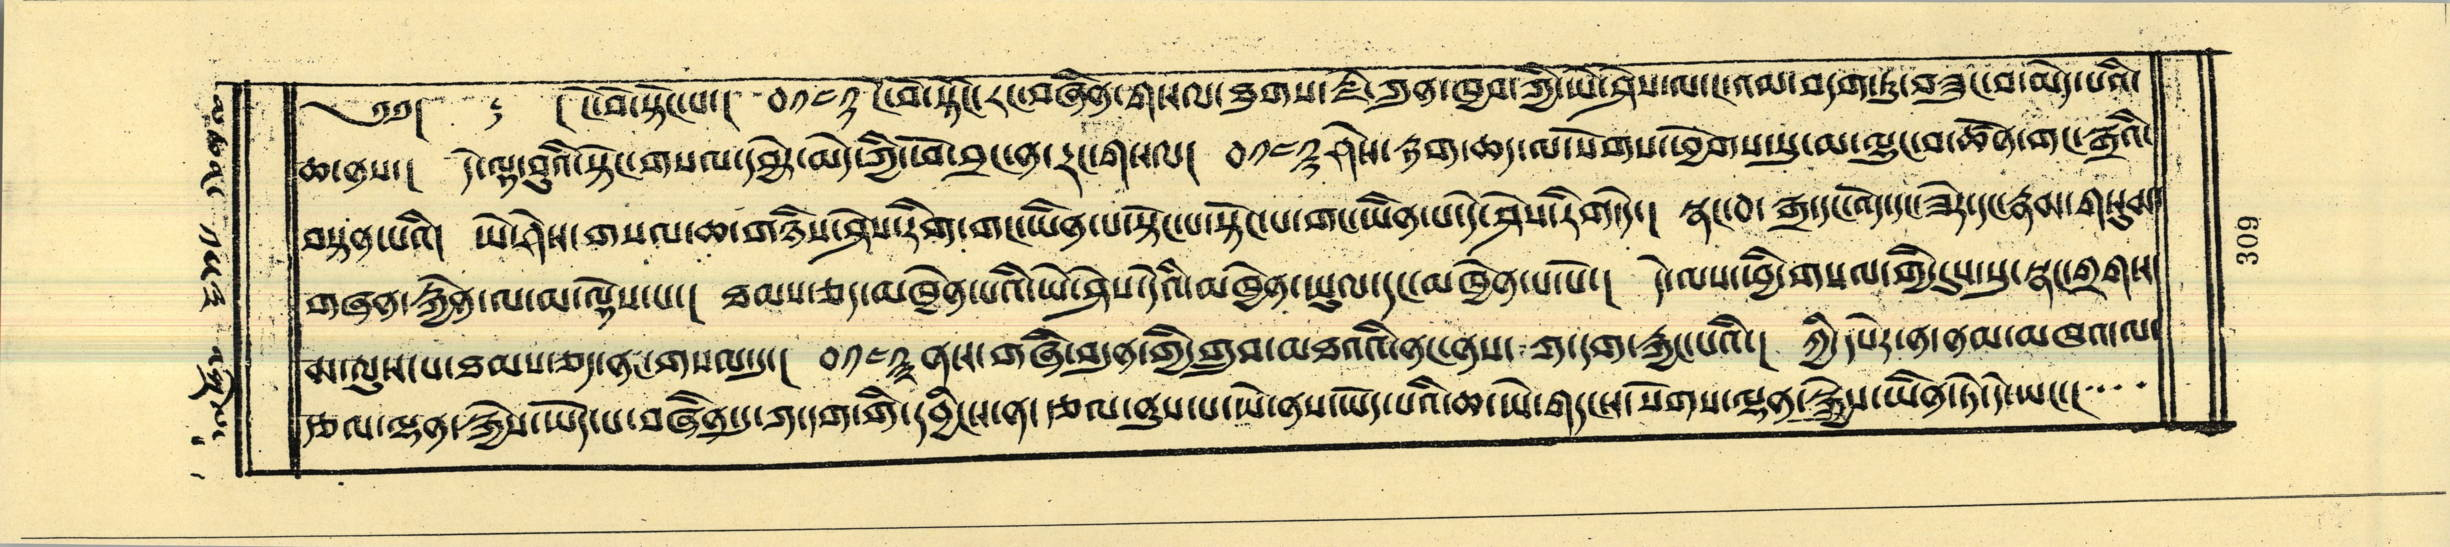ངོ་བོ་སྟོང་པ། བ༡༤༡།༡ ངོ་བོ་སྟོང་རང་བཞིན་གསལ་ཐུགས་རྗེ་ཀུན་ཁྱབ་ཀྱི་ཡེ་ཤེས་ལ་ང་འམ་བདག་ཏུ་བཟུང་བ་མེད་པའི་
ཆ་ནས། དེ་ལྟ་བུའི་སྟོང་གསལ་དབྱེར་མེད་ཀྱི་ཕོ་བྲང་ན་རང་གསལ་ བ༡༤༡།༢ ཤེས་རྟག་ཆད་ལ་སོགས་ཕྱོགས་སུ་མ་ལྷུང་བ་ཚོན་གང་སྒྲའི་
བསྟན་པའི། ཡེ་ཤེས་གསལ་ཆ་གཉིས་ཤེས་རིག་གང་ཡིན་པ་སྟོང་པ་སྟོང་པ་གང་ཡིན་པ་དེ་ཤེས་རིག་དེ། སྣང་བ་སྒྲ་དང་འོད་དང་ཟེར་དང་རྣམ་གསུམ་
གཞན་རྐྱེན་ལ་མ་ལྟོས་པ། ཐམས་ཅད་མཁྱེན་པའི་ཡེ་ཤེས་དེའི་མཁྱེན་ཡུལ་དང་མཁྱེན་པ་པོ། དེ་ལས་ཕྱི་གསལ་གྱི་དུས་སུ་སྣང་གྲགས་
མ་ལུས་པ་ཐམས་ཅད་ནང་གསལ་དུ། བ༡༤༡།༣ གཞི་བདུན་གྱི་གྲུབ་མཐའི་ནང་ནས་ཀ་དག་རྐྱང་པའི། ཀྱི་དཔེར་ན་ནམ་མཁའ་ལ་
རྩལ་ལྡན་སྐྱེས་ཡོད་པ་བཞིན་དུ་ཀ་དག་གི་དབྱིངས་ན་རྩལ་ནུས་པ་ཡེ་ནས་ཡོད་པའི་ཆ་ཡེ་གདངས་སོགས་ལྷན་སྐྱེས་ཡིན་ཏེ་དེ་ཡང་